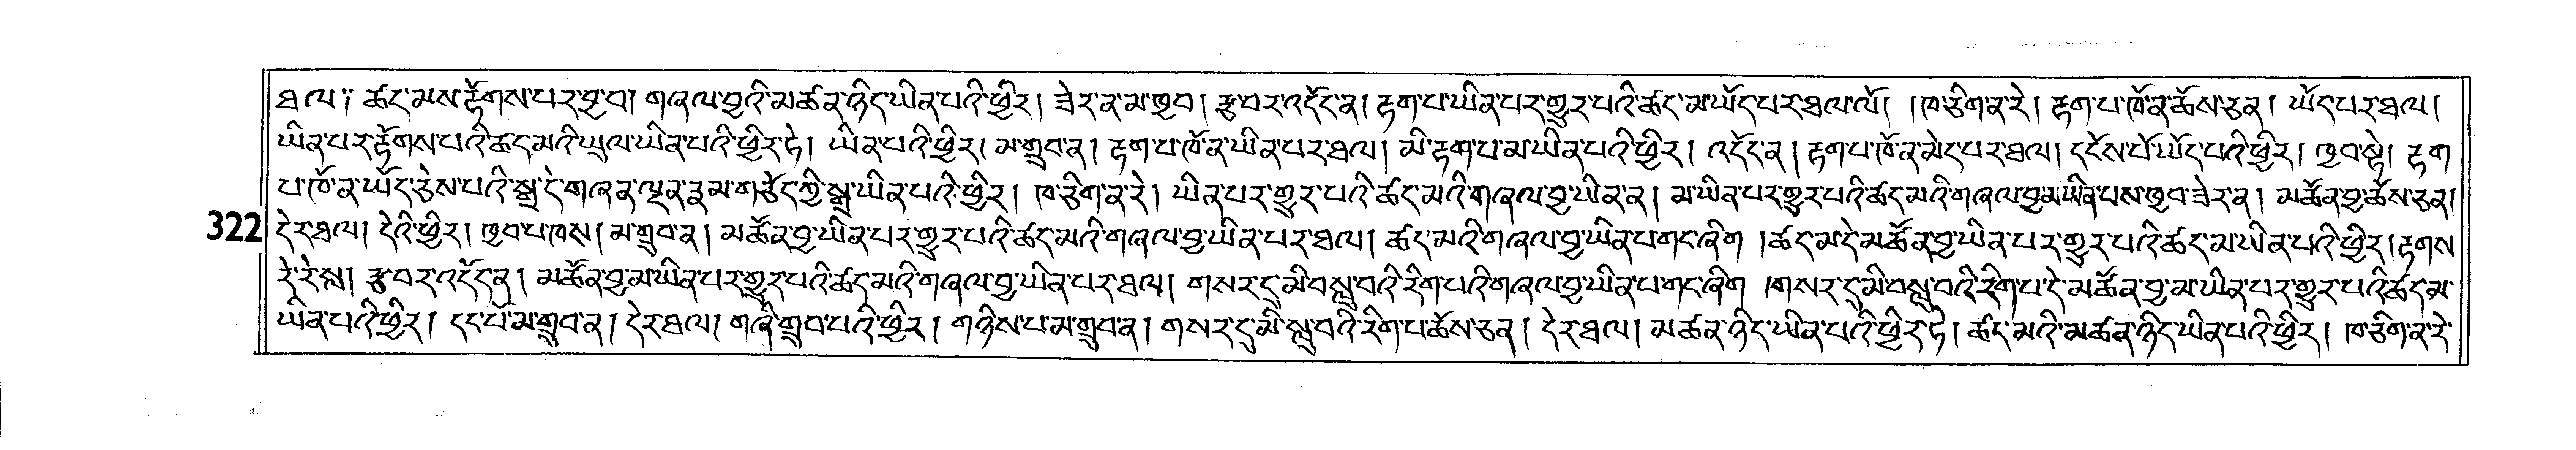ཐལ༑ ཚད་མས་རྟོགས་པར་བྱ་བ། གཞལ་བྱའི་མཚན་ཉིད་ཡིན་པའི་ཕྱིར། ཟེར་ན་མ་ཁྱབ། རྩ་བར་འདོད་ན། རྟག་པ་ཡིན་པར་གྱུར་པའི་ཚད་མ་ཡོད་པར་ཐལ་ལོ། །ཁ་ཅིག་ན་རེ། རྟག་པ་ཁོ་ན་ཆོས་ཅན། ཡོད་པར་ཐལ།
ཡིན་པར་རྟོགས་པའི་ཚད་མའི་ཡུལ་ཡིན་པའི་ཕྱིར་ཏེ། ཡིན་པའི་ཕྱིར། མ་གྲུབ་ན། རྟག་པ་ཁོ་ན་ཡིན་པར་ཐལ། མི་རྟག་པ་མ་ཡིན་པའི་ཕྱིར། འདོད་ན། རྟག་པ་ཁོ་ན་མེད་པར་ཐལ། དངོས་པོ་ཡོད་པའི་ཕྱིར། ཁྱབ་སྟེ། རྟག་
པ་ཁོ་ན་ཡོད་ཅེས་པའི་སྒྲ་དེ་གཞན་ལྡན་རྣམ་གཅོད་ཀྱི་སྒྲ་ཡིན་པའི་ཕྱིར། ཁ་ཅིག་ན་རེ། ཡིན་པར་གྱུར་པའི་ཚད་མའི་གཞལ་བྱ་ཡིན་ན། མ་ཡིན་པར་གྱུར་པའི་ཚད་མའི་གཞལ་བྱ་མ་ཡིན་པས་ཁྱབ་ཟེར་ན། མཚོན་བྱ་ཆོས་ཅན།
དེར་ཐལ། དེའི་ཕྱིར། ཁྱབ་པ་ཁས། མ་གྲུབ་ན། མཚོན་བྱ་ཡིན་པར་གྱུར་པའི་ཚད་མའི་གཞལ་བྱ་ཡིན་པར་ཐལ། ཚད་མའི་གཞལ་བྱ་ཡིན་པ་གང་ཞིག །ཚད་མ་དེ་མཚོན་བྱ་ཡིན་པར་གྱུར་པའི་ཚད་མ་ཡིན་པའི་ཕྱིར། རྟགས་
རེ་རེ་སླ། རྩ་བར་འདོད་ན། མཚོན་བྱ་མ་ཡིན་པར་གྱུར་པའི་ཚད་མའི་གཞལ་བྱ་ཡིན་པར་ཐལ། གསར་དུ་མི་བསླུ་བའི་རིག་པའི་གཞལ་བྱ་ཡིན་པ་གང་ཞིག །གསར་དུ་མི་བསླུ་བའི་རིག་པ་དེ་མཚོན་བྱ་མ་ཡིན་པར་གྱུར་པའི་ཚད་མ་
ཡིན་པའི་ཕྱིར། དང་པོ་མ་གྲུབ་ན། དེར་ཐལ། གཞི་གྲུབ་པའི་ཕྱིར། གཉིས་པ་མ་གྲུབ་ན། གསར་དུ་མི་སླུ་བའི་རིག་པ་ཆོས་ཅན། དེར་ཐལ། མཚན་ཉིད་ཡིན་པའི་ཕྱིར་ཏེ། ཚད་མའི་མཚན་ཉིད་ཡིན་པའི་ཕྱིར། ཁ་ཅིག་ན་རེ་